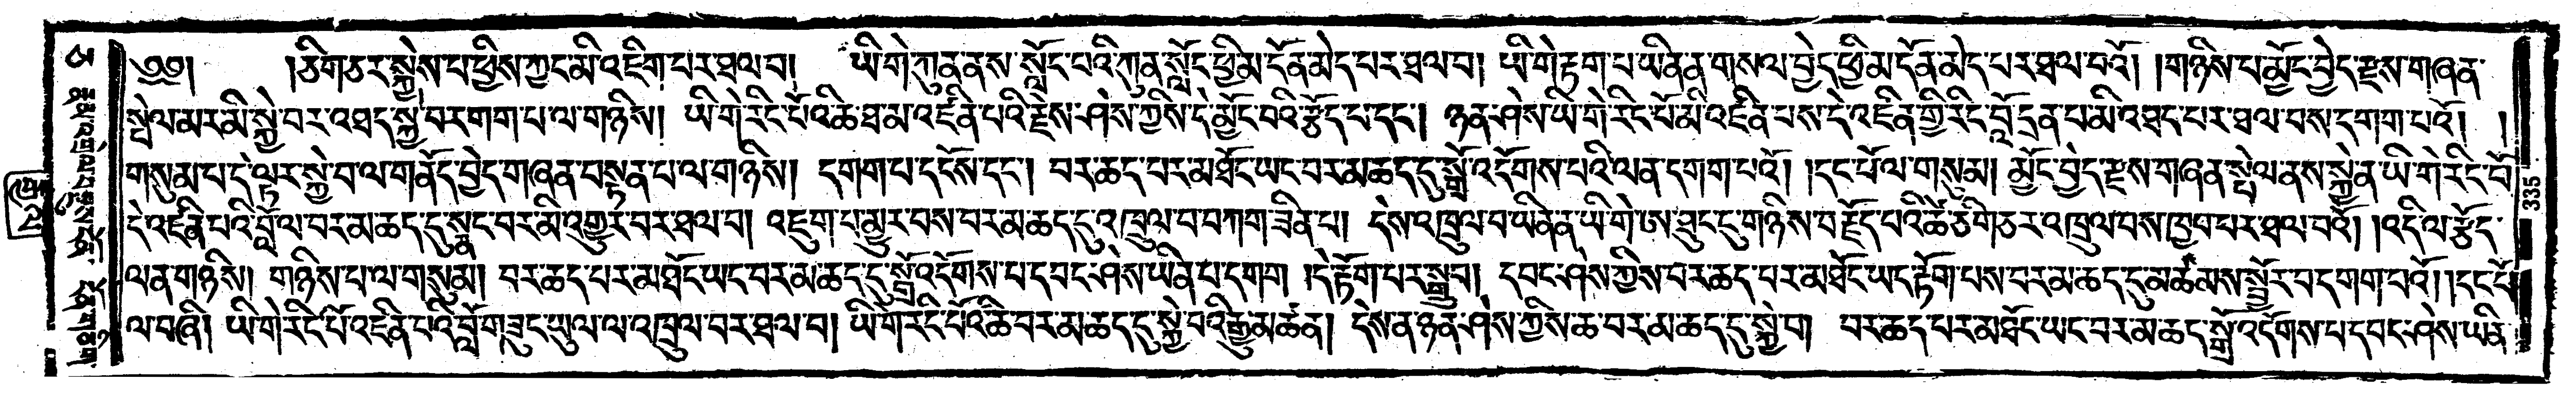༄༅། །ཅིག་ཅར་སྐྱེས་པ་ཕྱིས་ཀྱང་མི་འཇིག་པར་ཐལ་བ། ཡི་གེ་ཀུན་ནས་སློང་པའི་ཀུན་སློང་ཕྱི་མ་དོན་མེད་པར་ཐལ་བ། ཡི་གེ་རྟག་པ་ཡིན་ན་གསལ་བྱེད་ཕྱི་མ་དོན་མེད་པར་ཐལ་བའོ། །གཉིས་པ་མྱོང་བྱེད་རྫས་གཞན་
སྤེལ་མར་མི་སྐྱེ་བར་འཐད་སྐྱེ་བར་གག་པ་ལ་གཉིས། ཡི་གེ་རིང་པོའི་ཆ་ཐ་མ་འཛིན་པའི་རྗེས་ཤེས་ཀྱིས་དེ་མྱོང་བའི་རྩོད་པ་དང་། ཉན་ཤེས་ཡི་གེ་རིང་པོ་མི་འཛིན་པས་དེ་འཛིན་གྱི་རིང་བློ་དྲན་པ་མི་འཐད་པར་ཐལ་བས་དགག་པའོ། །
གསུམ་པ་དེ་ལྟར་སྐྱེ་བ་ལ་གནོད་བྱེད་གཞན་བསྟན་པ་ལ་གཉིས། དགག་པ་དངོས་དང་། བར་ཆད་པར་མཐོང་ཡང་བར་མཆད་དུ་སྒྲོ་འདོགས་པའི་ལན་དགག་པའོ། །དང་པོ་ལ་གསུམ། མྱོང་བྱེད་རྫས་གཞན་སྤེལ་ནས་སྐྱེ་ན་ཡི་གེ་རིང་པོ་
དེ་འཛིན་པའི་བློ་ལ་བར་མ་ཆད་དུ་སྣང་བར་མི་འགྱུར་བར་ཐལ་བ། འཇུག་པ་མྱུར་བས་བར་མ་ཆད་དུ་འཁྲུལ་བ་བཀག་ཟིན་པ། དེས་འཁྲུལ་བ་ཡིན་ན་ཡི་གེ་ཨ་ཐུང་དུ་གཉིས་བརྗོད་པའི་ཚེ་ཅིག་ཅར་འཁྲུལ་བས་ཁྱབ་པར་ཐལ་བའོ། །འདི་ལ་རྩོད་
ལན་གཉིས། གཉིས་པ་ལ་གསུམ། བར་ཆད་པར་མཐོང་ཡང་བར་མ་ཆད་དུ་སྒྲོ་འདོགས་པ་དབང་ཤེས་ཡིན་པ་དགག །དེ་རྟོག་པར་སྒྲུབ། དབང་ཤེས་ཀྱིས་བར་ཆད་པར་མཐོང་ཡང་རྟོག་པས་བར་མ་ཆད་དུ་མཚམས་སྦྱོར་བ་དགག་པའོ། །དང་པོ་
ལ་བཞི། ཡི་གེ་རིང་པོ་འཛིན་པའི་བློ་གཟུང་ཡུལ་ལ་འཁྲུལ་བར་ཐལ་བ། ཡི་གེ་རིང་པོའི་འཆི་བར་མ་ཆད་དུ་སྐྱེ་བའི་རྒྱུ་མཚན། དེས་ན་ཉན་ཤེས་ཀྱིས་ཆ་བར་མ་ཆད་དུ་སྐྱེ་བ། བར་ཆད་པར་མཐོང་ཡང་བར་མ་ཆད་སྒྲོ་འདོགས་པ་དབང་ཤེས་ཡིན་